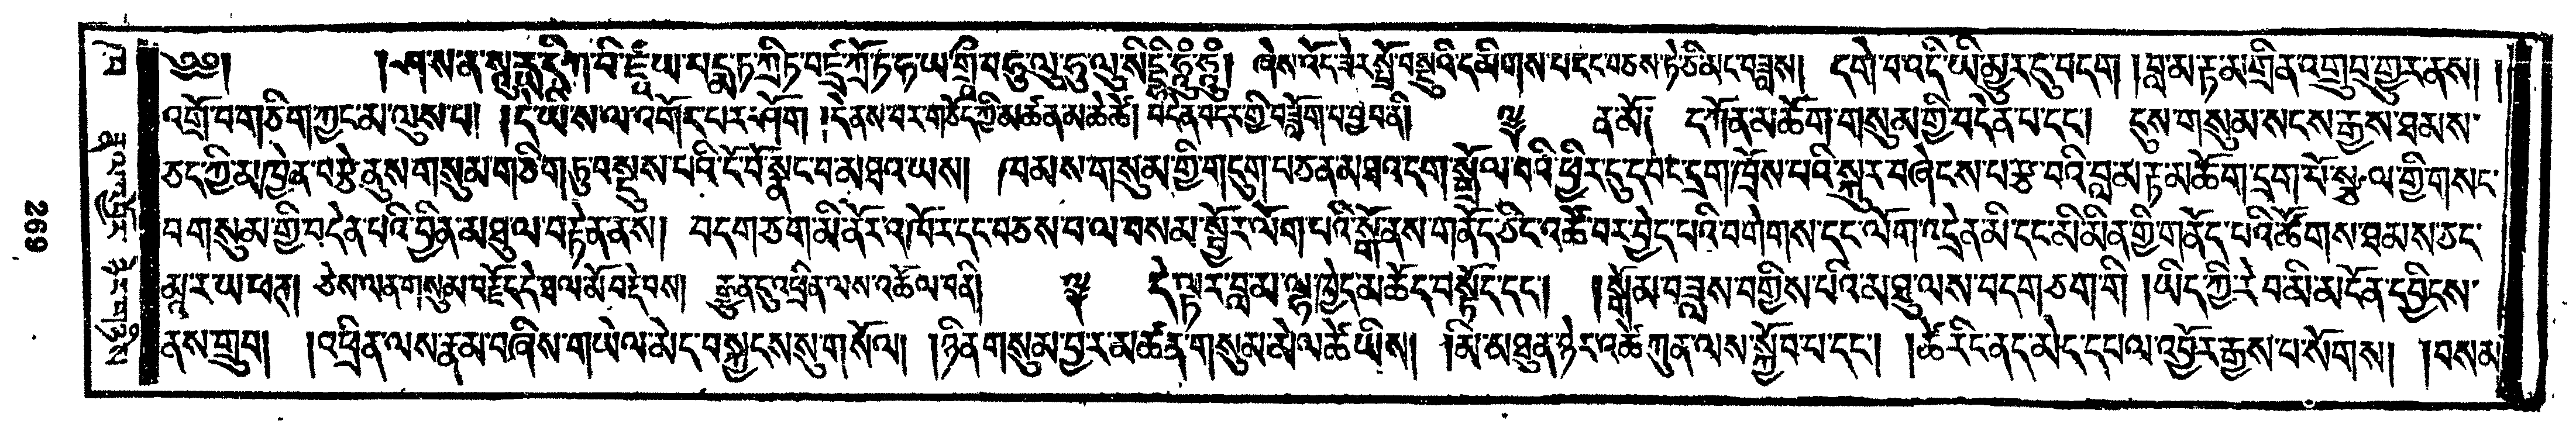༄༅། །ཤ་ས་ན་སཱུརྱ་དི་ཀ་བི་ཛཱ་ཡ་པདམ་ཏ་ཀྲིཏ་བཛྲ་ཀྲོ་ཏ་ཧ་ཡ་གྲཱྀ་བྷུ་ལུ་ཧུ་ལུ་སིདྡྷི་ཧཱུཾ་ཧཱུཾ། ཞེས་འོད་ཟེར་སྤྲོ་བསྡུའི་དམིགས་པ་དང་བཅས་ཏེ་ཅི་མང་བཟླས། དགེ་བ་འདི་ཡི་མྱུར་དུ་བདག །བླ་མ་རྟ་མགྲིན་འགྲུབ་གྱུར་ནས། །
འགྲོ་བ་གཅིག་ཀྱང་མ་ལུས་པ། །དེ་ཡི་ས་ལ་འགོད་པར་ཤོག །དེ་ནས་བར་གཅོད་ཀྱི་མཚན་མ་ཆེ་ཚེ། བདེན་བདར་གྱི་བཟློག་པ་བྱ་བ་ནི། ༈ ན་མོ༑ དཀོན་མཆོག་གསུམ་གྱི་བདེན་པ་དང་། དུས་གསུམ་སངས་རྒྱས་ཐམས་
ཅད་ཀྱི་མཁྱེན་བརྩེ་ནུས་གསུམ་གཅིག་ཏུ་བསྡུས་པའི་ངོ་བོ་སྣང་བ་མཐའ་ཡས། ཁམས་གསུམ་གྱི་གདུག་པ་ཅན་མཐའ་དག་སྒྲོལ་བའི་ཕྱིར་དུ་དབང་དྲག་ཁྲོས་པའི་སྐུར་བཞེངས་པ་རྩ་བའི་བླ་མ་རྟ་མཆོག་དྲག་པོ་སྩལ་གྱི་གསང་
བ་གསུམ་གྱི་བདེན་པའི་བྱིན་མཐུ་ལ་བརྟེན་ནས། །བདག་ཅག་མི་ནོར་འཁོར་དང་བཅས་བ་ལ་བསམ་སྦྱོར་ལོག་པའི་སྒོ་ནས་གནོད་ཅིང་འཚེ་བར་བྱེད་པའི་བགེགས་དང་ལོག་འདྲེན་མི་དང་མི་མིན་གྱི་གནོད་པའི་ཚོགས་ཐམས་ཅད་
མཱ་ར་ཡ་ཕཊ། ཅེས་ལན་གསུམ་བརྗོད་དེ་ཐལ་མོ་བརྡེབས། རྒྱུན་དུ་འཕྲིན་ལས་འཆོལ་བ་ནི། ༈ དེ་ལྟར་བླ་མ་ལྷ་ཁྱེད་མཆོད་བསྟོད་དང་། །སྒོམ་བཟླས་བགྱིས་པའི་མཐུ་ལས་བདག་ཅག་གི །ཡིད་ཀྱི་རེ་བ་མི་མངོན་དབྱིངས་
ནས་གྲུབ། །འཕྲིན་ལས་རྣམ་བཞིས་གཡེལ་མེད་བསྐྱངས་སུ་གསོལ། །ཉིན་གསུམ་བྱ་ར་མཚན་གསུམ་མེལ་ཚེ་ཡིས། །མི་མཐུན་ཉེར་འཚེ་ཀུན་ལས་སྐྱོབ་པ་དང་། །ཚེ་རིང་ནད་མེད་དཔལ་འབྱོར་རྒྱས་པ་སོགས། །བསམ་